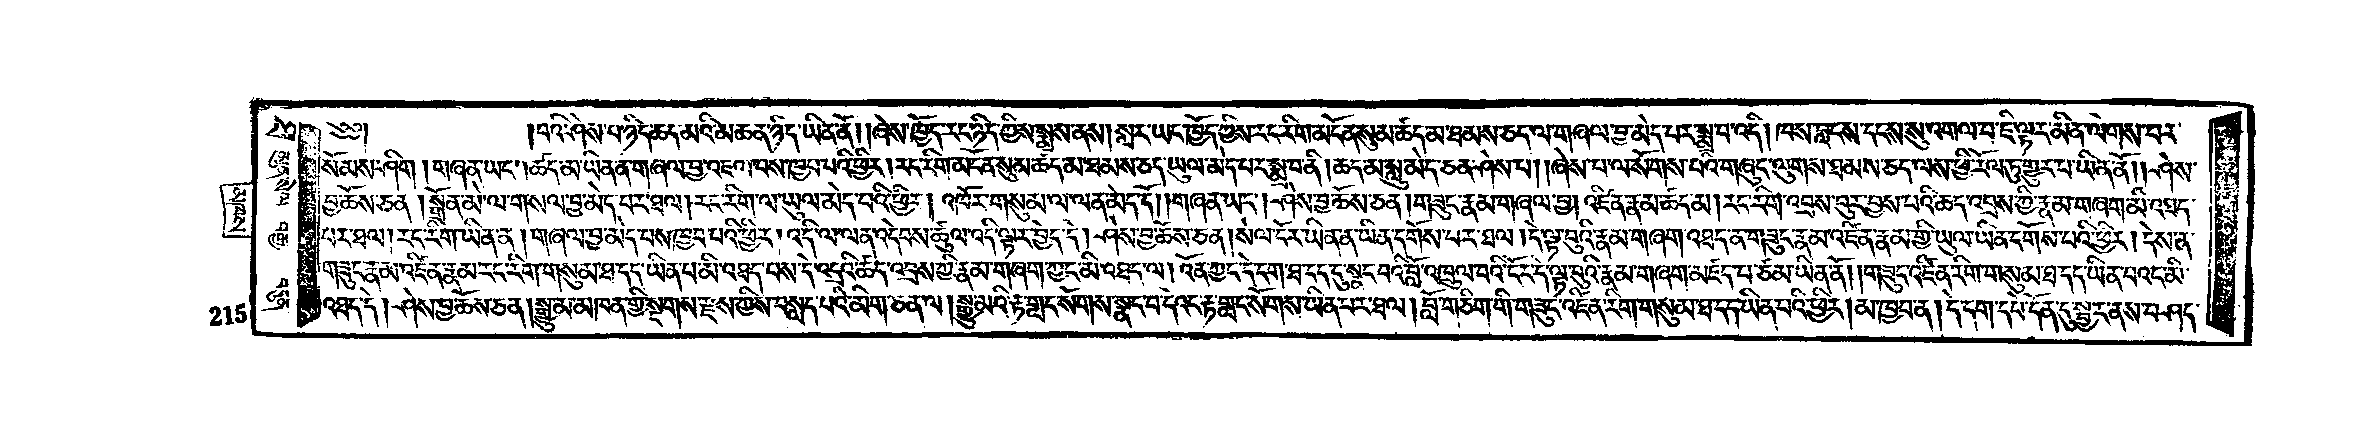༄༅། །བའི་ཤེས་པ་ཉིད་ཚད་མའི་མཚན་ཉིད་ཡིན་ནོ། །ཞེས་ཁྱོད་རང་ཉིད་ཀྱིས་སྨྲས་ནས། སླར་ཡང་ཁྱོད་ཀྱིས་རང་རིག་མངོན་སུམ་ཚད་མ་ཐམས་ཅད་ལ་གཞལ་བྱ་མེད་པར་སྨྲ་བ་འདི། ཁས་བླངས་དངོས་སུ་འགལ་བ་ཇི་ལྟར་མིན་ལེགས་པར་
སྨོས་ཤིག །གཞན་ཡང་། ཚད་མ་ཡིན་ན་གཞལ་བྱ་འཇལ་བས་ཁྱབ་པའི་ཕྱིར། རང་རིག་མངོན་སུམ་ཚད་མ་ཐམས་ཅད་ཡུལ་མེད་པར་སྨྲ་བ་ནི། ཚད་མ་སླུ་མེད་ཅན་ཤེས་པ། །ཞེས་པ་ལ་སོགས་པའི་གཞུང་ལུགས་ཐམས་ཅད་ལས་ཕྱི་རོལ་ཏུ་གྱུར་པ་ཡིན་ནོ། །ཤེས་
བྱ་ཆོས་ཅན། སྒྲོན་མེ་ལ་གསལ་བྱ་མེད་པར་ཐལ། རང་རིག་ལ་ཡུལ་མེད་པའི་ཕྱིར། འཁོར་གསུམ་ལ་ལན་མེད་དོ། །གཞན་ཡང་། ཤེས་བྱ་ཆོས་ཅན། གཟུང་རྣམ་གཞལ་བྱ། འཛིན་རྣམ་ཚད་མ། རང་རིག་འབྲས་བུར་བྱས་པའི་ཚད་འབྲས་ཀྱི་རྣམ་གཞག་མི་འཐད་
པར་ཐལ། རང་རིག་ཡིན་ན། གཞལ་བྱ་མེད་པས་ཁྱབ་པའི་ཕྱིར། འདི་ལ་ལན་འདེབས་ཚུལ་འདི་ལྟར་བྱེད་དེ། ཤེས་བྱ་ཆོས་ཅན། སེལ་ངོར་ཡིན་ན་ཡིན་དགོས་པར་ཐལ། དེ་ལྟ་བུའི་རྣམ་གཞག་འཐད་ན་གཟུང་རྣམ་འཛིན་རྣམ་གྱི་ཡུལ་ཡིན་དགོས་པའི་ཕྱིར། དེས་ན་
གཟུང་རྣམ་འཛིན་རྣམ་རང་རིག་གསུམ་ཐ་དད་ཡིན་པ་མི་འཐད་པས་དེ་འདྲའི་ཚད་འབྲས་ཀྱི་རྣམ་གཞག་ཀྱང་མི་འཐད་ལ། འོན་ཀྱང་དེ་དག་ཐ་དད་དུ་སྣང་བའི་བློ་འཁྲུལ་བའི་ངོར་དེ་ལྟ་བུའི་རྣམ་གཞག་མཛད་པ་ཙམ་ཡིན་ནོ། །གཟུང་འཛིན་རིག་གསུམ་ཐ་དད་ཡིན་པའང་མི་
འཐད་དེ། ཤེས་བྱ་ཆོས་ཅན། སྒྱུ་མ་མཁན་གྱི་སྔགས་རྫས་ཀྱིས་བསླད་པའི་མིག་ཅན་ལ། སྒྱུ་མའི་རྟ་གླང་སོགས་སྣང་བ་དེའང་རྟ་གླང་སོགས་ཡིན་པར་ཐལ། བློ་གཅིག་གི་གཟུང་འཛིན་རིག་གསུམ་ཐ་དད་ཡིན་པའི་ཕྱིར། མ་ཁྱབ་ན། དེ་དག་དཔེ་དོན་དུ་སྦྱར་ནས་བཤད་